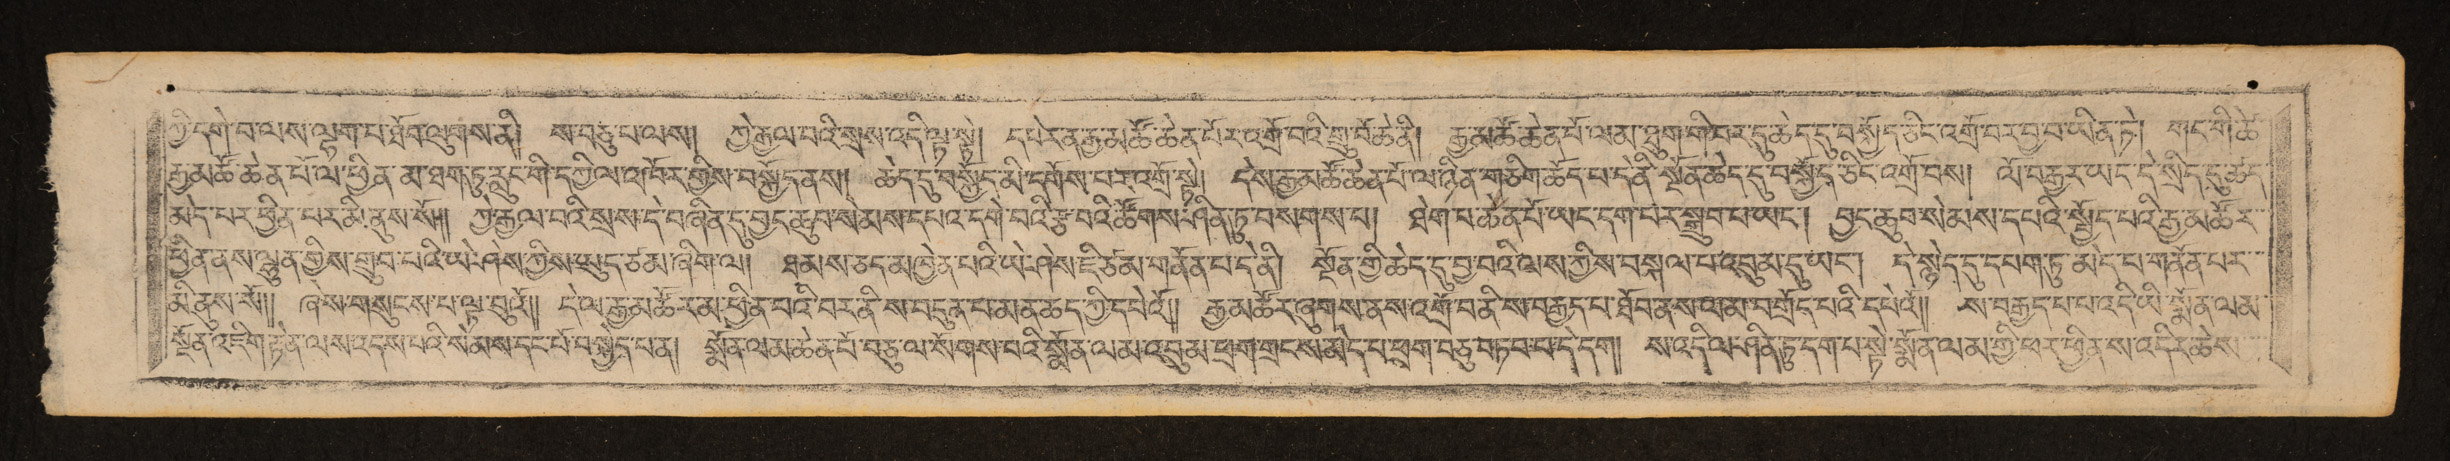ཀྱི་དགེ་བ་ལས་ལྷག་པ་ཐོབ་ལུགས་ནི། ས་བཅུ་པ་ལས། ཀྱེ་རྒྱལ་བའི་སྲས་འདི་ལྟ་སྟེ། དཔེར་ན་རྒྱ་མཚོ་ཆེན་པོར་འགྲོ་བའི་གྲུ་བོ་ཆེ་ནི། རྒྱ་མཚོ་ཆེན་པོ་ལ་མ་ཐུག་གི་བར་དུ་ཆེད་དུ་བསྐྱོད་ཅིང་འགྲོ་བར་བྱ་བ་ཡིན་ཏེ། གང་གི་ཚེ་
རྒྱ་མཚོ་ཆེན་པོ་ལ་ཕྱིན་མ་ཐག་ཏུ་རླུང་གི་དཀྱིལ་འཁོར་གྱིས་བསྐྱོད་ནས། ཆེད་དུ་བསྐྱོད་མི་དགོས་པར་འགྲོ་སྟེ། དེས་རྒྱ་མཚོ་ཆེན་པོ་ལ་ཉིན་གཅིག་ཆོད་པ་དེ་ནི་སྔོན་ཆེད་དུ་བསྐྱོད་ཅིང་འགྲོ་བས། ལོ་བརྒྱར་ཡང་དེ་སྲིད་དུ་ཚད་
མེད་པར་ཕྱིན་པར་མི་ནུས་སོ།། ཀྱེ་རྒྱལ་བའི་སྲས་དེ་བཞིན་དུ་བྱང་ཆུབ་སེམས་དཔའ་དགེ་བའི་རྩ་བའི་ཚོགས་ཤིན་ཏུ་བསགས་པ། ཐེག་པ་ཆེན་པོ་ཡང་དག་པར་བསྒྲུབ་པ་ཡང་། བྱང་ཆུབ་སེམས་དཔའི་སྤྱོད་པའི་རྒྱ་མཚོར་
ཕྱིན་ནས་ལྷུན་གྱིས་གྲུབ་པའི་ཡེ་ཤེས་ཀྱིས་ཡུད་ཙམ་ཞིག་ལ། ཐམས་ཅད་མཁྱེན་པའི་ཡེ་ཤེས་ཇི་ཙམ་གནོན་པ་དེ་ནི། སྔོན་གྱི་ཆེད་དུ་བྱ་བའི་ལས་ཀྱིས་བསྐལ་པ་འབུམ་དུ་ཡང་། དེ་སྙེད་དུ་དཔག་ཏུ་མེད་པ་གནོན་པར་
མི་ནུས་སོ།། ཞེས་གསུངས་པ་ལྟ་བུའོ།། དེ་ལ་རྒྱ་མཚོར་མ་ཕྱིན་པའི་བར་ནི་ས་བདུན་པ་མན་ཆད་ཀྱི་དཔེའོ།། རྒྱ་མཚོར་ཞུགས་ནས་འགྲོ་བ་ནི་ས་བརྒྱད་པ་ཐོབ་ནས་ལམ་བགྲོད་པའི་དཔེའོ།། ས་བརྒྱད་པ་པ་འདི་ཡི་སྨོན་ལམ་
སྔོན་འཇིག་རྟེན་ལས་འདས་པའི་སེམས་དང་པོ་བསྐྱེད་པ་ན། སྨོན་ལམ་ཆེན་པོ་བཅུ་ལ་སོགས་པའི་སྨོན་ལམ་འབུམ་ཕྲག་གྲངས་མེད་པ་ཕྲག་བཅུ་བཏབ་པ་དེ་དག། ས་འདི་ལ་ཤིན་ཏུ་དག་པ་སྟེ་སྨོན་ལམ་གྱི་ཕར་ཕྱིན་ས་འདིར་ཆེས་